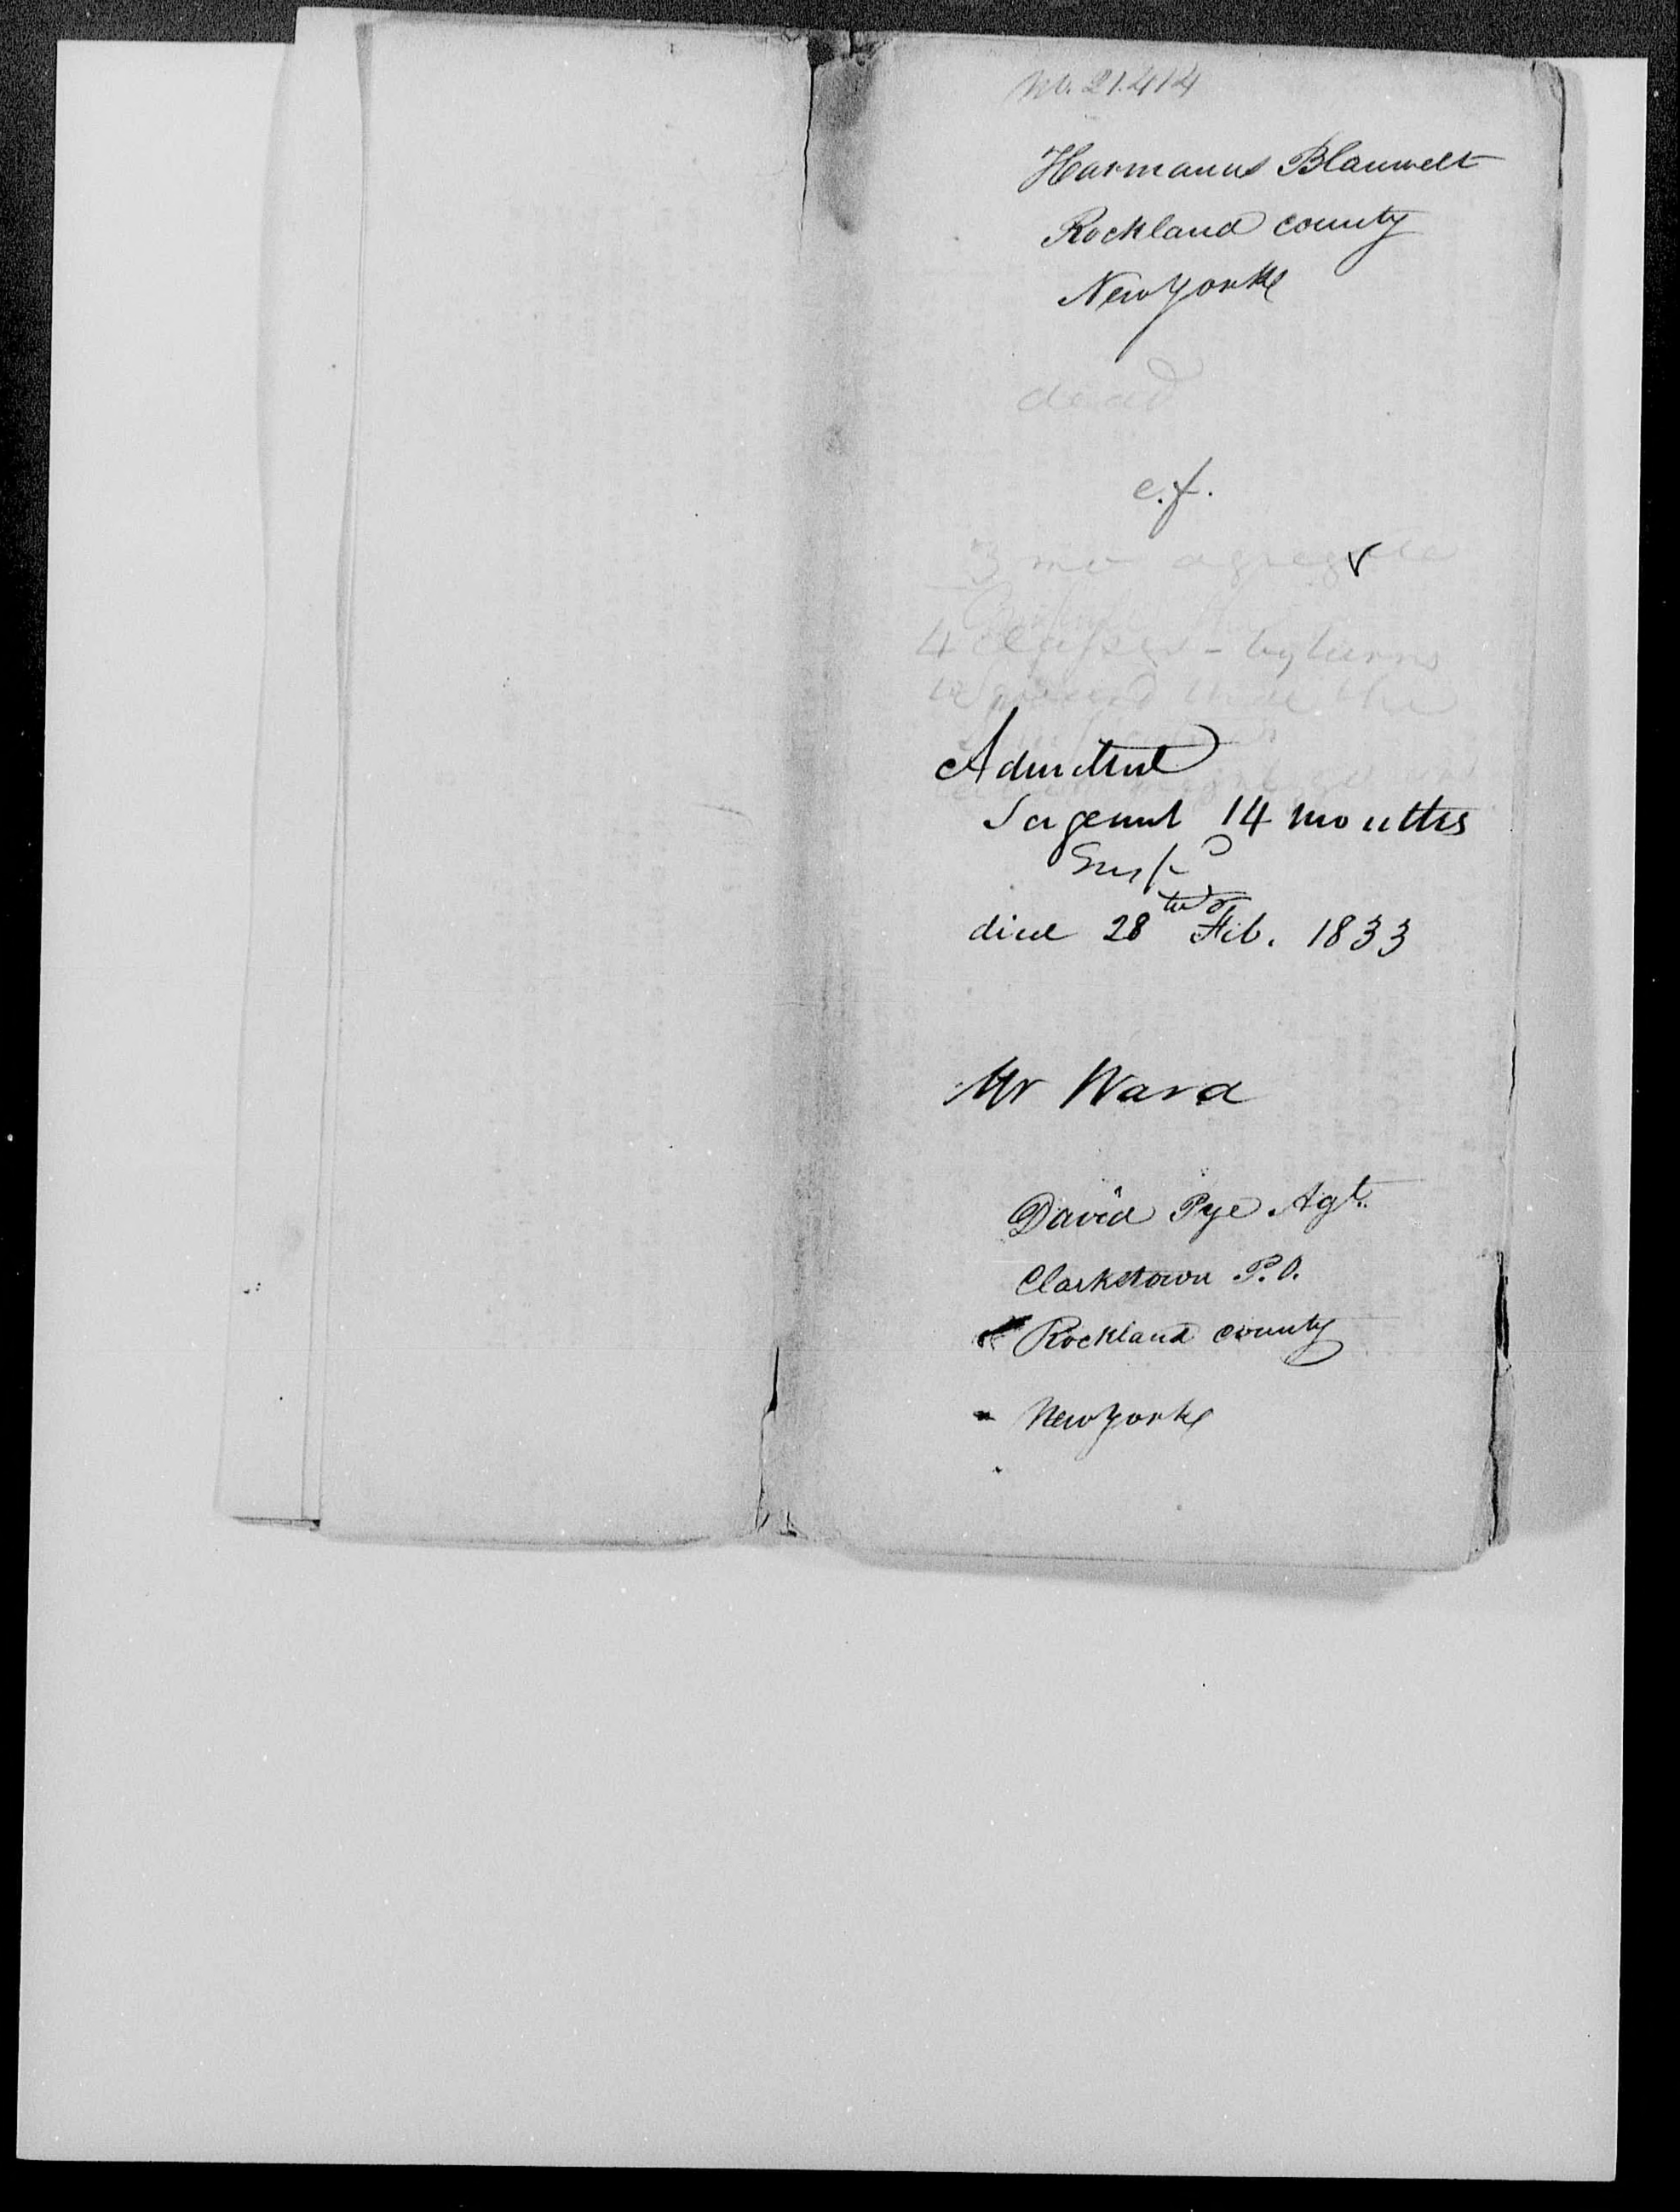Harmanus Blauvelt
Rockland County
New York

c.f.

[written very lightly}
dead
3 mo agregate
[remainder illegible]



Admitted
Sergeant 14 months
[illegible]
died 28th Feb. 1833

Mr Ward
David Pye Agt.
Clarkstown P.O.
Rockland County
New York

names: Harmanus Blauvelt, Ward, David Pye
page: 8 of 33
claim: survivor's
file: S. 22,653, Harmanus Blauvelt, New York